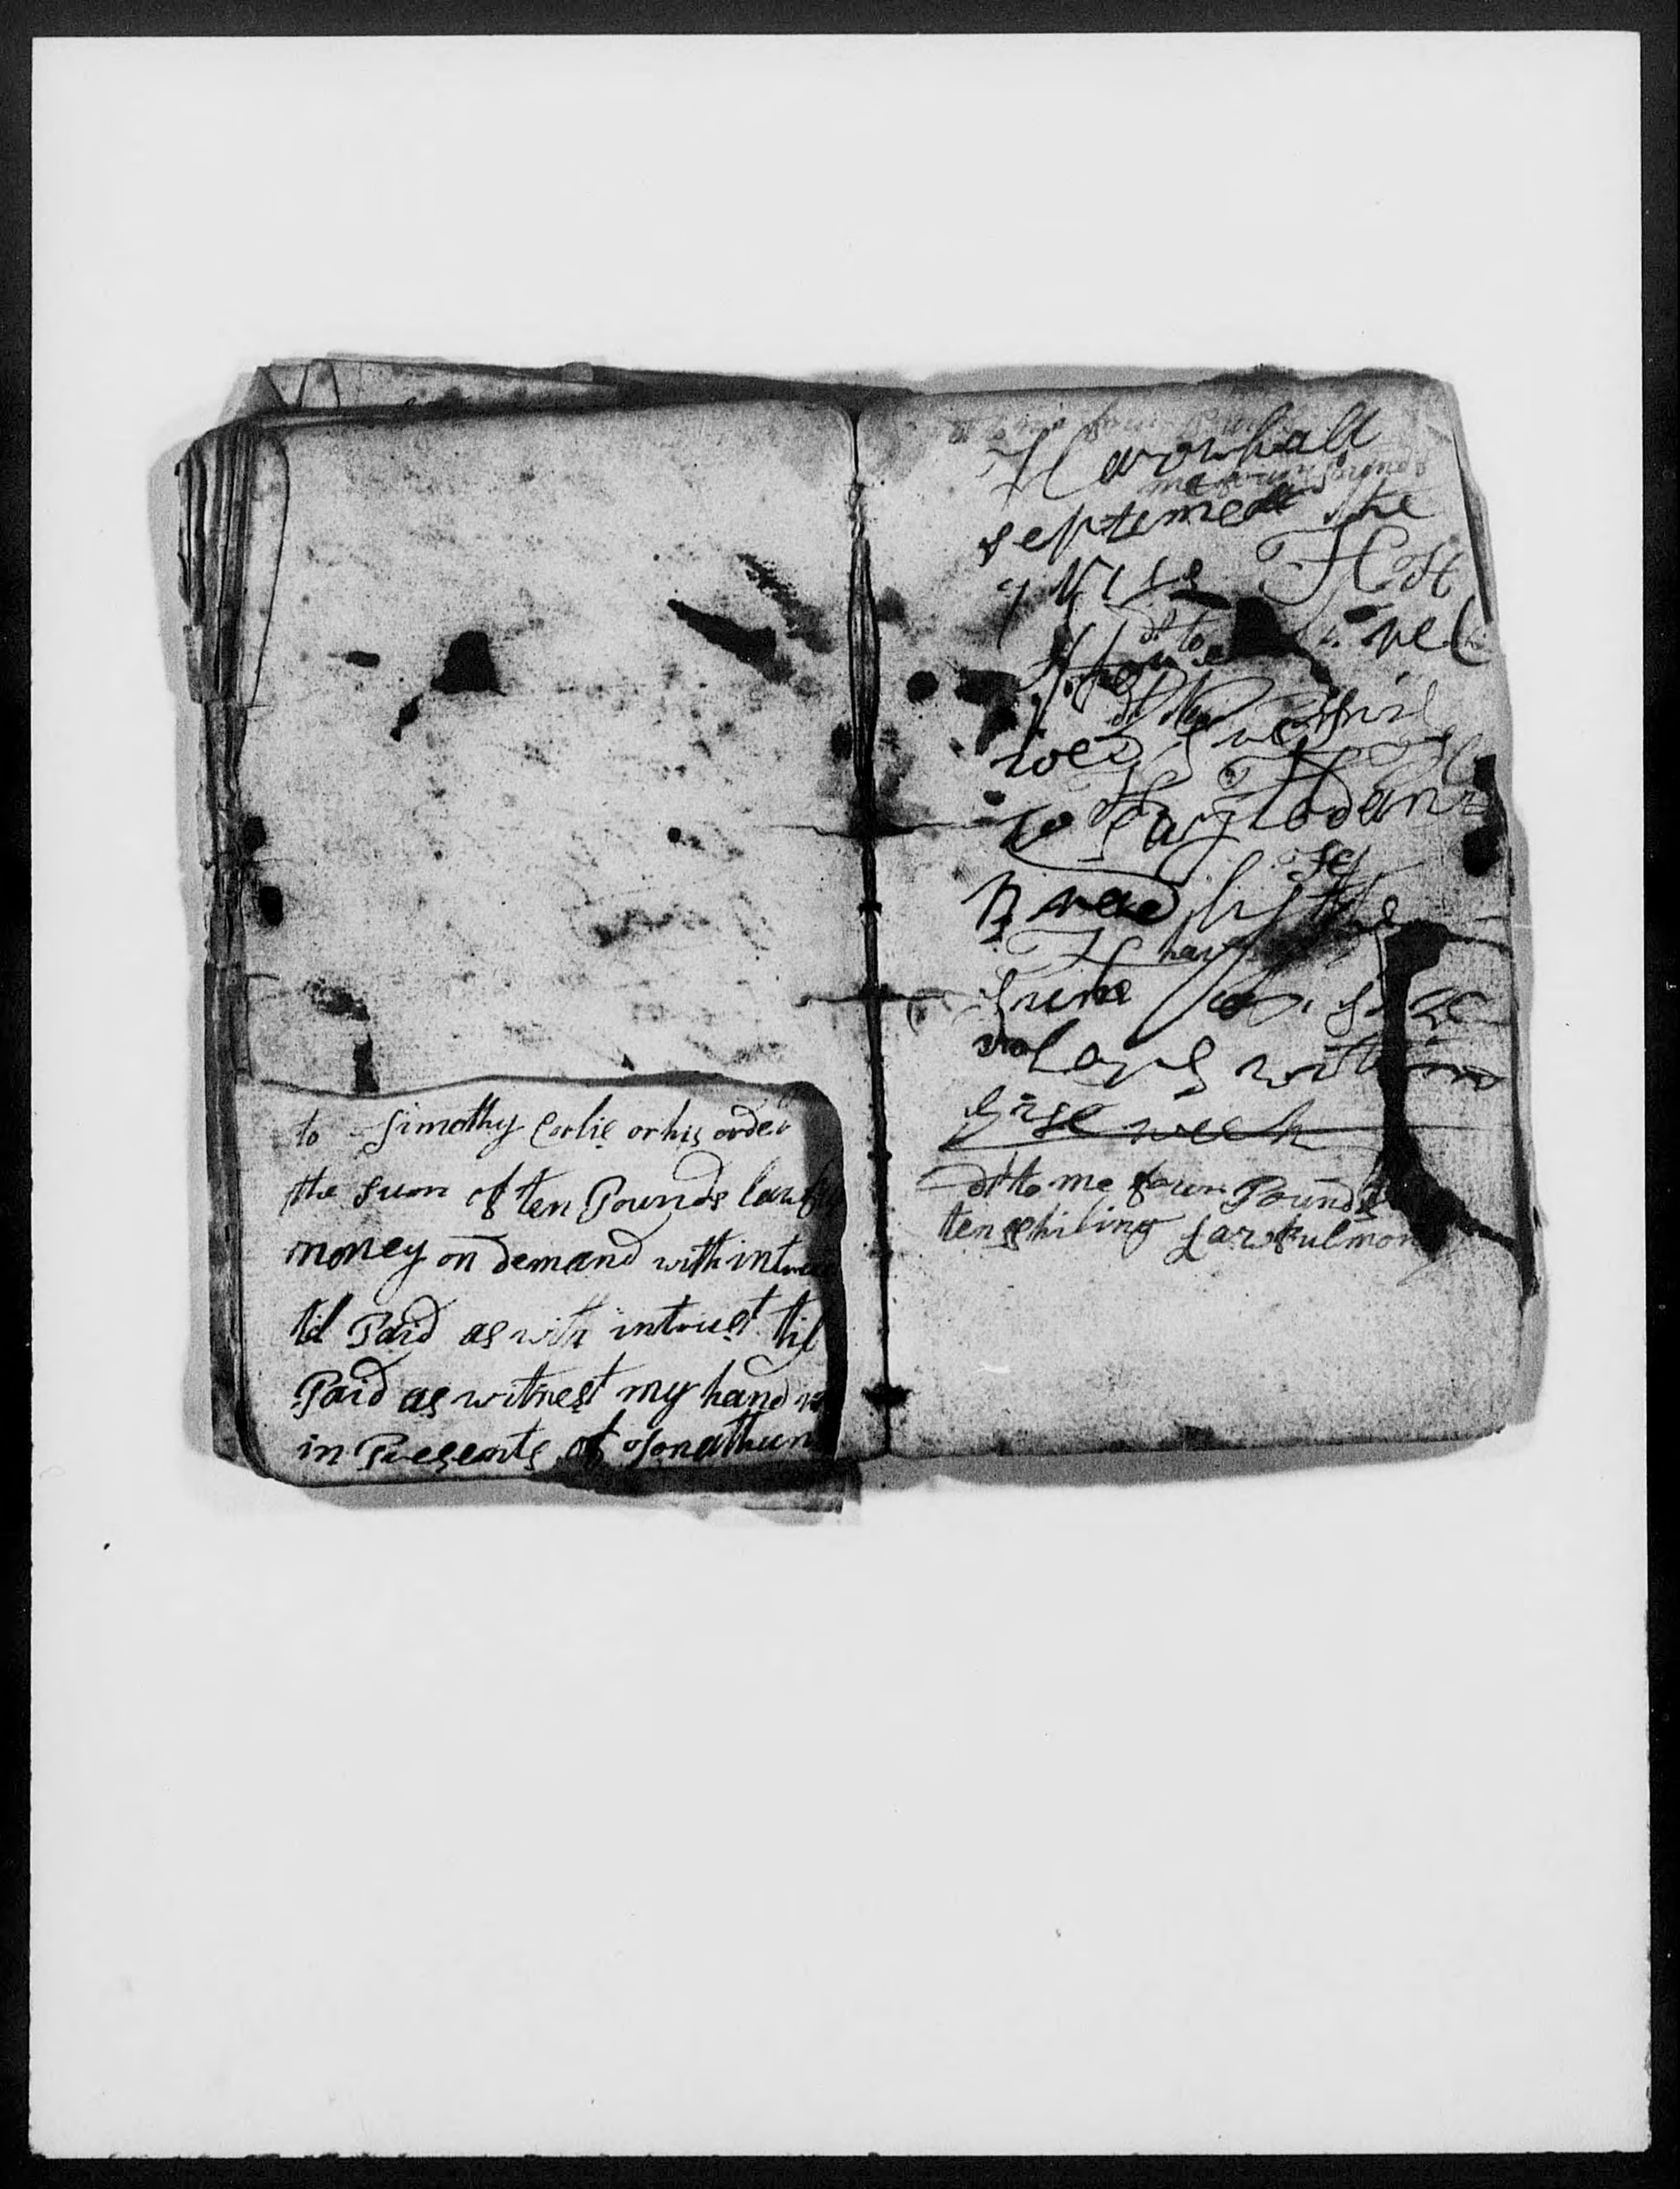[Left side]
to Timothy Corlis or his order
the sum of ten pound cash 
money on demand with interest til 
paid as with interest til 
Paid as witness my hand
in presents [presence] of Jonathan

[Right side}
Honorable
September the [illegible] HH
[illegible scrawl to bottom, then:]
to me four Pounds ten shillings 
Lawrence Pulmon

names: Marshall, Timothy Corlis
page: 20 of 34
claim: widow's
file: W. 20,896, Timothy Corless, Continental Mass